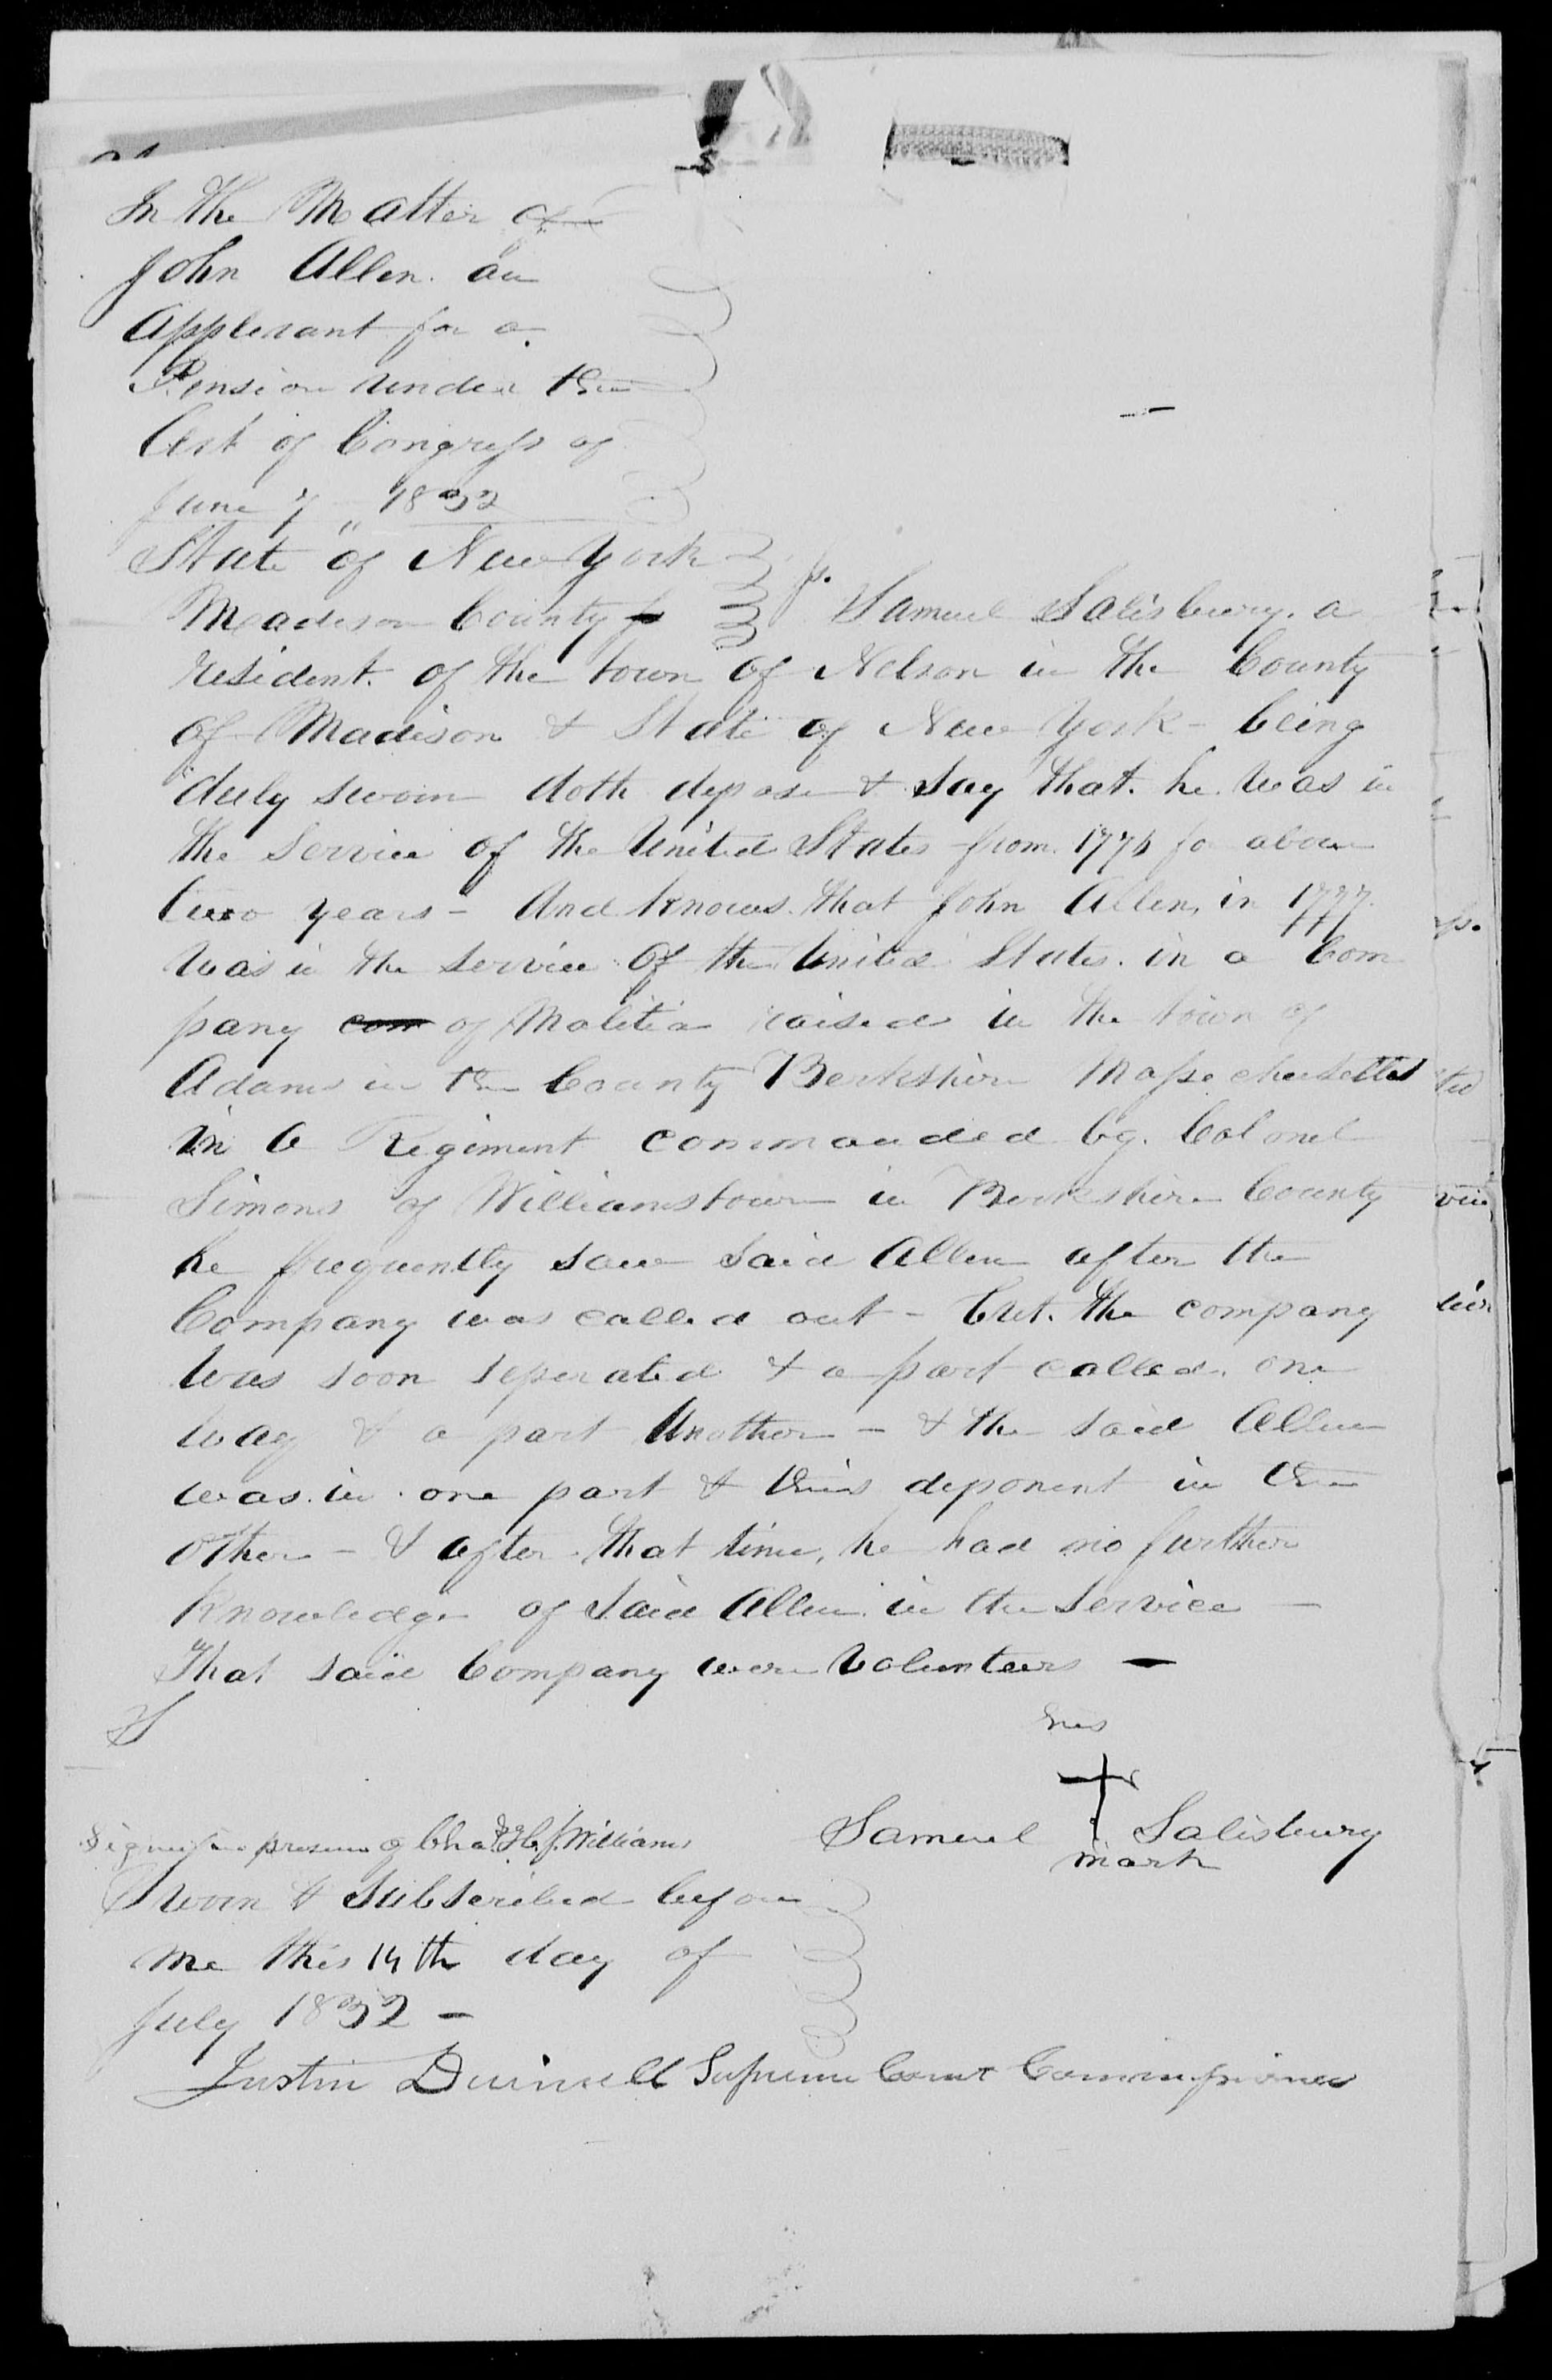In the Matter of John Allen an Applicant for a Pension under the Act of Congress of June 1832 |
State of New York 
Madison County | Ss. Samuel Salisbury, a resident of the town of Nelson in the County of Madison & State of New York being the duly sworn doth depose & say that he was in the service of the United States from 1776 for above two years, and knows that John Allen, in 1777 was in the service of the United States, in a Company of Militia raised in the town of Adams in the County Berkshire Massachusetts in a Regiment commanded by Colonel Simons of Williamstown in Berkshire County he frequently saw said Allen after the Company was called out, but the company was soon separated & a part called one way & a part another -- & the said Allen was in one part & this deponent in the other & after that time, he had no further knowledge of said Allen in the service. That said Company were volunteers  --- 
Samuel Salisbury
His mark + [signature]
signed in the presence of Chas H Williams
Sworn & Subscribed before me this 14th day of July 1832- Justin Dwinell Supreme Court Commissioner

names: Justin Dwinell, Simons, Samuel Salisbury, Samuel Salisbury, John Allen, John Allen, Allen, Allen, Chas H J Williams, Allen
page: 3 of 74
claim: widow's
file: W. 23424, John Allen, Mass. R. I.